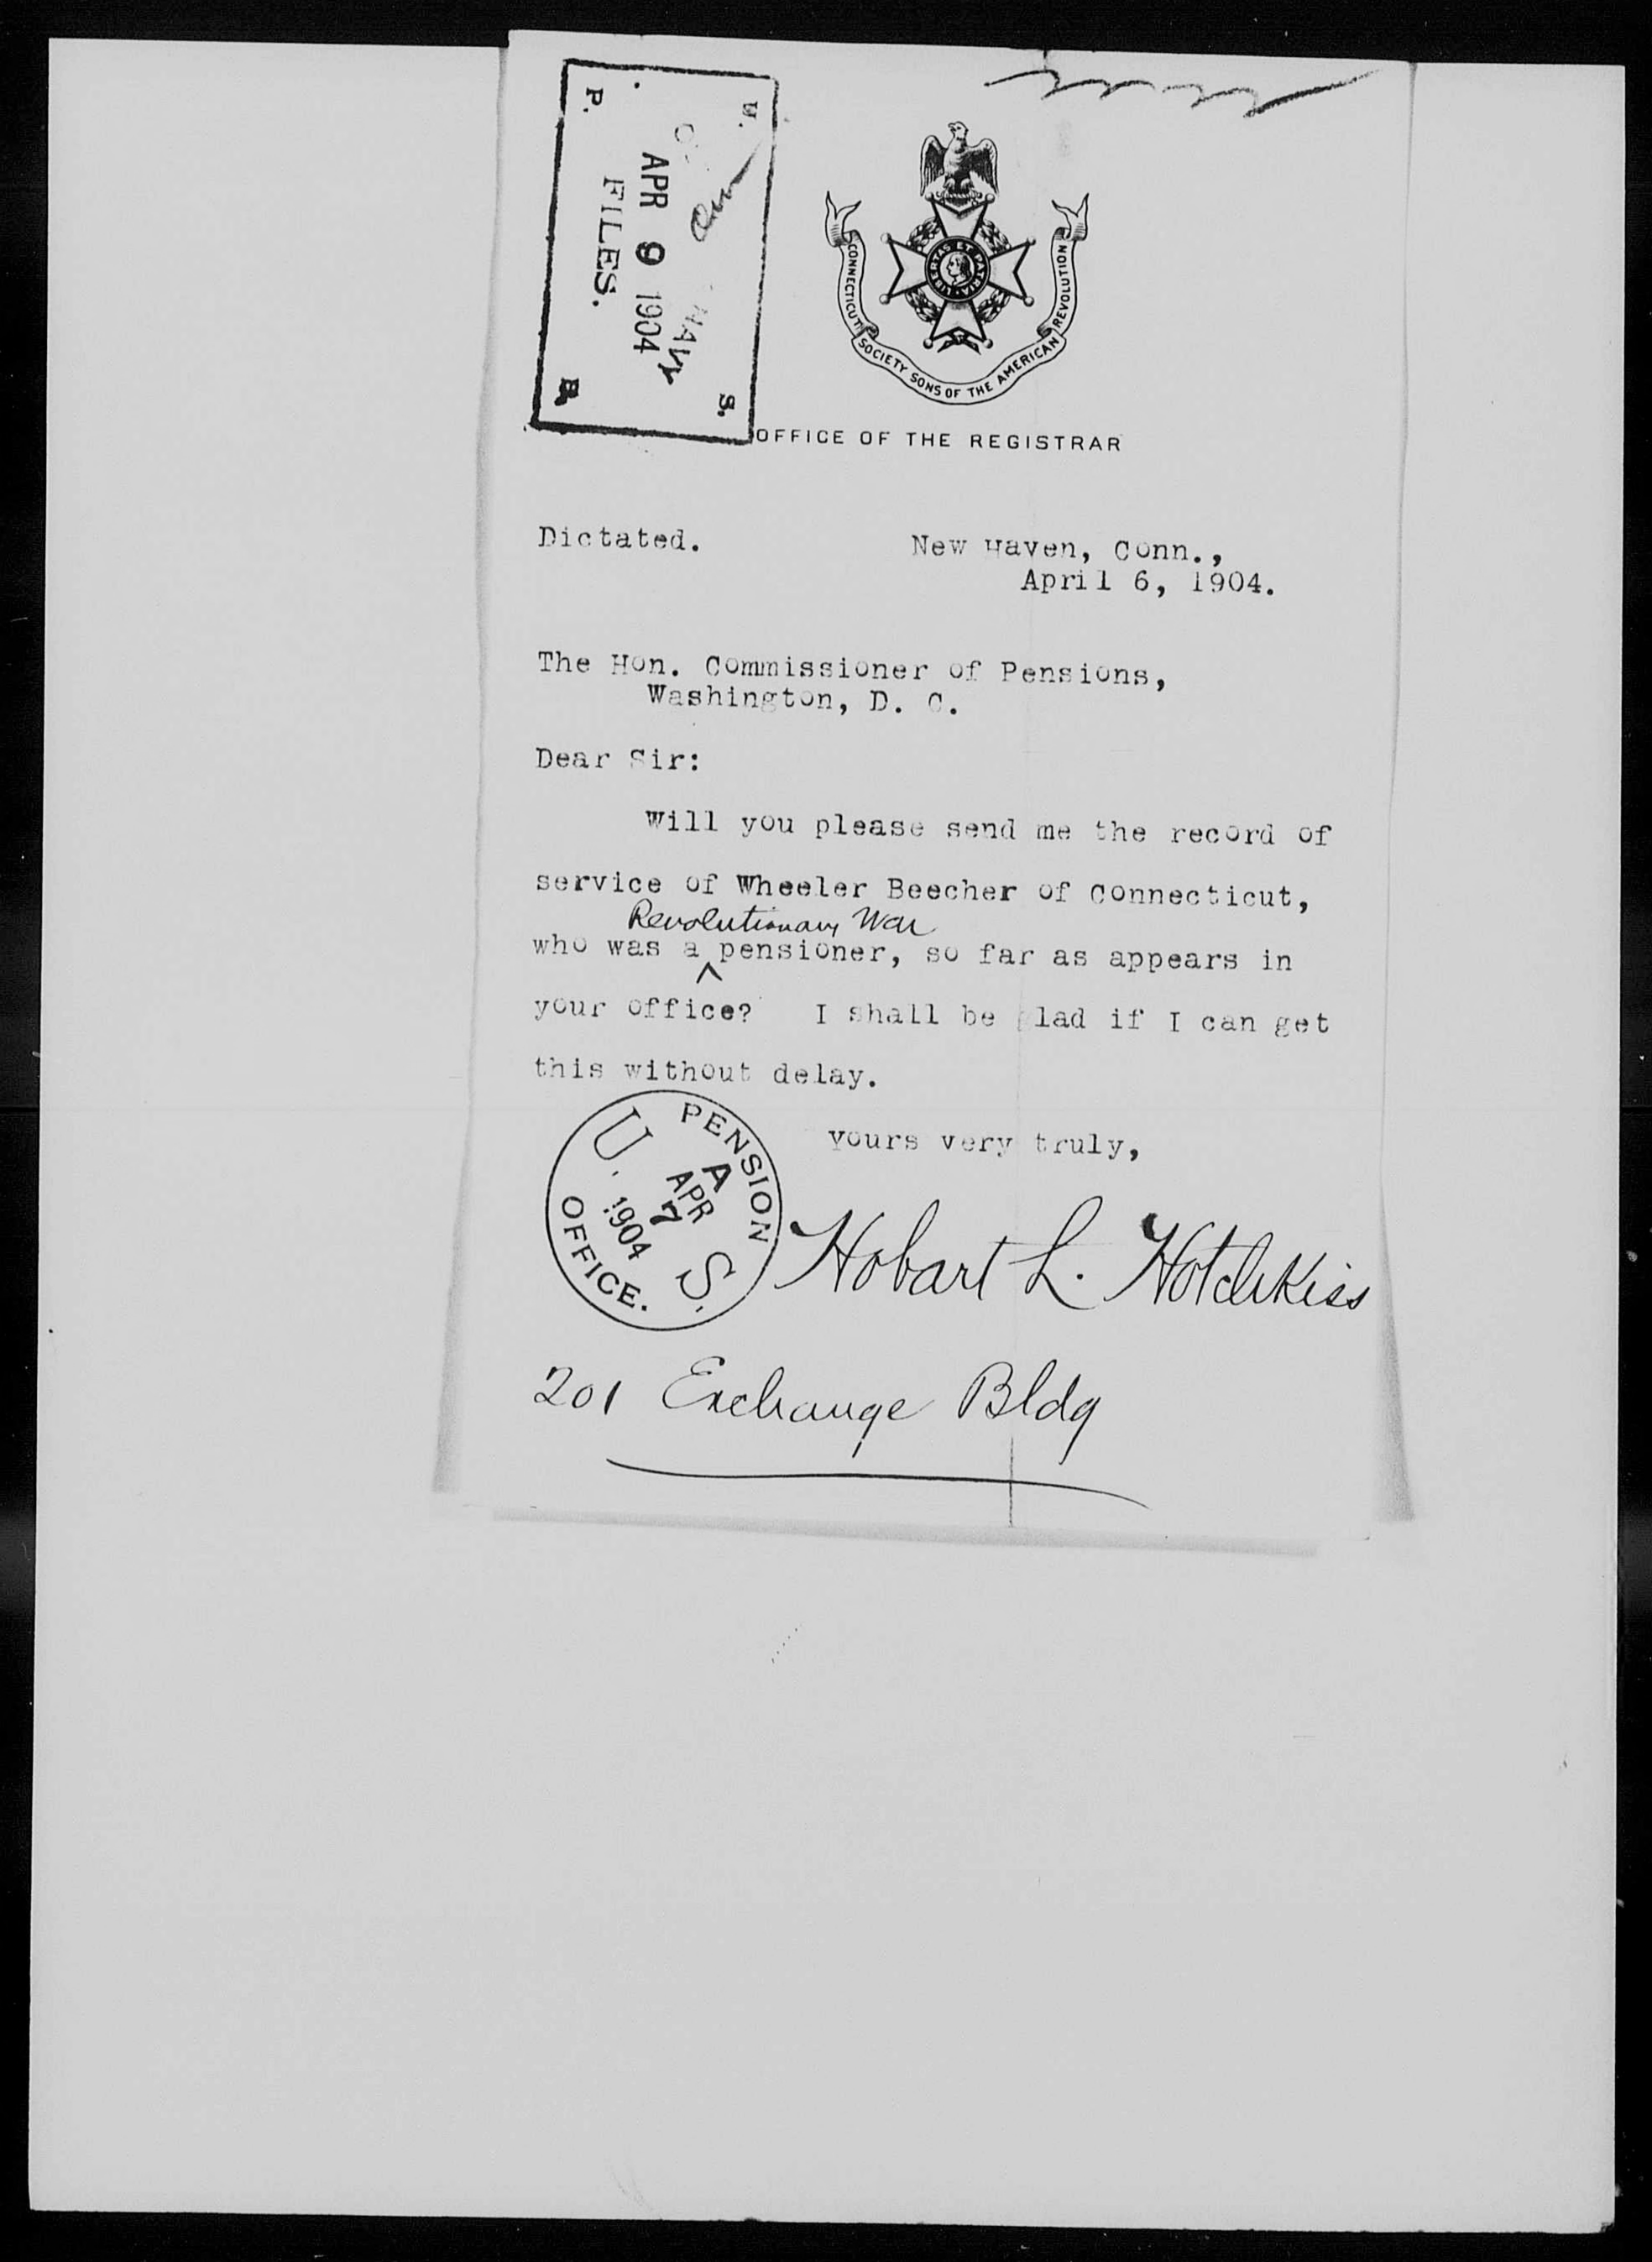[stamped] O[ld Army & Navy] Files Apr 9 1904
[letterhead] Connecticut Society Sons of the American Revolution

Office of the Registrar

Dictated.  New Haven, Conn., April 6, 1904
The Hon. Commissioner of Pensions, Washington, D. C.
Dear Sir:
Will you please send me the record of service of Wheeler Beecher of Connecticut, who was a Revolutionary War pensioner, so far as appears in your office? I shall be glad if I can get this without delay.
Yours very truly, Hobart L. Hotchkiss
201 Exchange Bldg

[stamped] U. S. Pension Office. A Apr 7 1904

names: Hobart L Hotchkiss, Wheeler Beecher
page: 20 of 21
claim: survivor's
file: S. 14943, Wheeler Beecher, Conn.